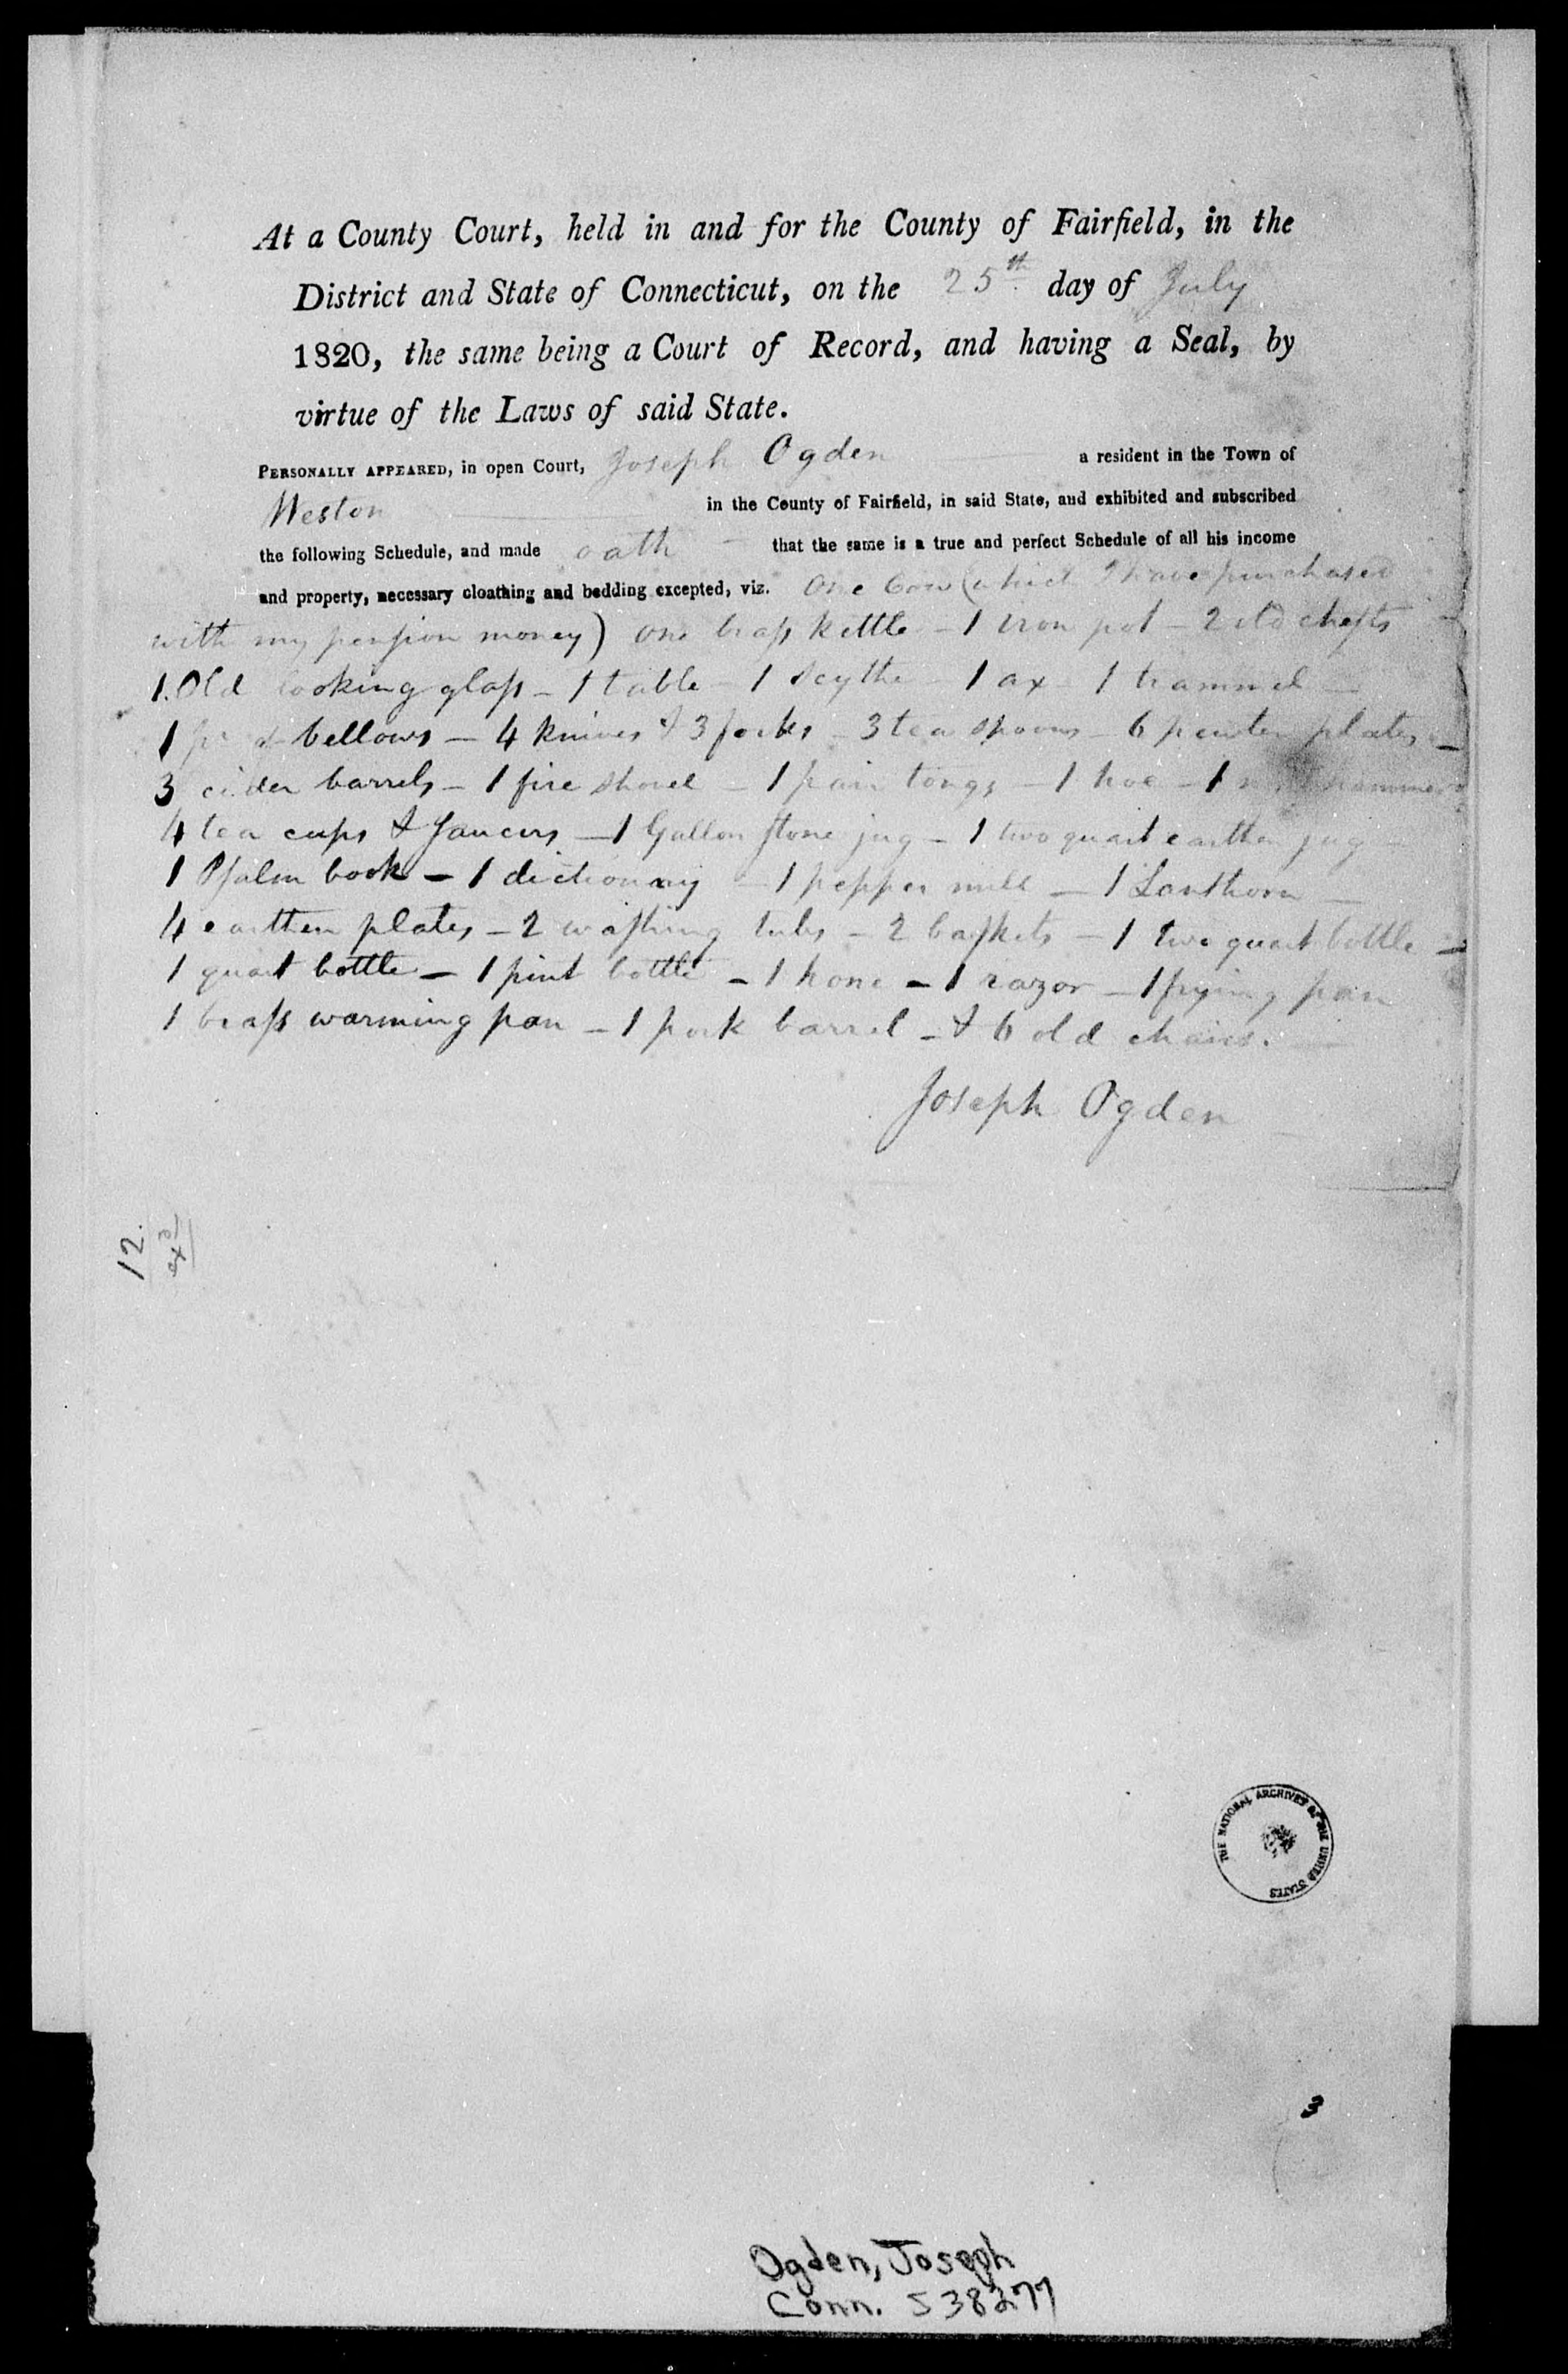At a County Court, held in and for the County of Fairfield, in the
District and State of Connecticut, on the 25th day of July
1820, the same being a Court of Record, and having a Seal, by
virtue of the Laws of said State.
PERSONALLY APPEARED, in open Court, Joseph Ogden a resident in the Town of
Weston in the County of Fairfield, in said State, and exhibited and subscribed
the following Schedule, and made oath
that the same is a true and perfect Schedule of all his income
and property, necessary cloathing and bedding excepted, viz. One Cow (which I have purchased
with my pension money) one brass Kettle - 1 iron pot - 2 old chests
1 old looking glass - 1 table - 1 Scythe - 1 ax - 1 trammel
1 pair of bellows - 4 knives & 3 forks - 3 teaspoons - 6 pewter plates -
3 cider barrels - 1 fire shovel - 1 pair tongs - 1 hoe - {illegible] hammer
4 tea cups & saucers - 1 Gallon Stone jug - 1 two quart earth jug
1 Psalm book - 1 dictionary - 1 pepper mill - 1 Lanthorn
4 earthen plates - 2 washing tubs - 2 Caskets - 1 two quart bottle
1 quart battle - 1 pint battle - 1 hone - 1 razor - 1 frying pan
1 brass warming pan - 1 pork barrel & 6 old chairs.
Joseph Ogden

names: Joseph Ogden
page: 4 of 15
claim: survivor's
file: S. 38,277, for Joseph Ogden, Connecticut